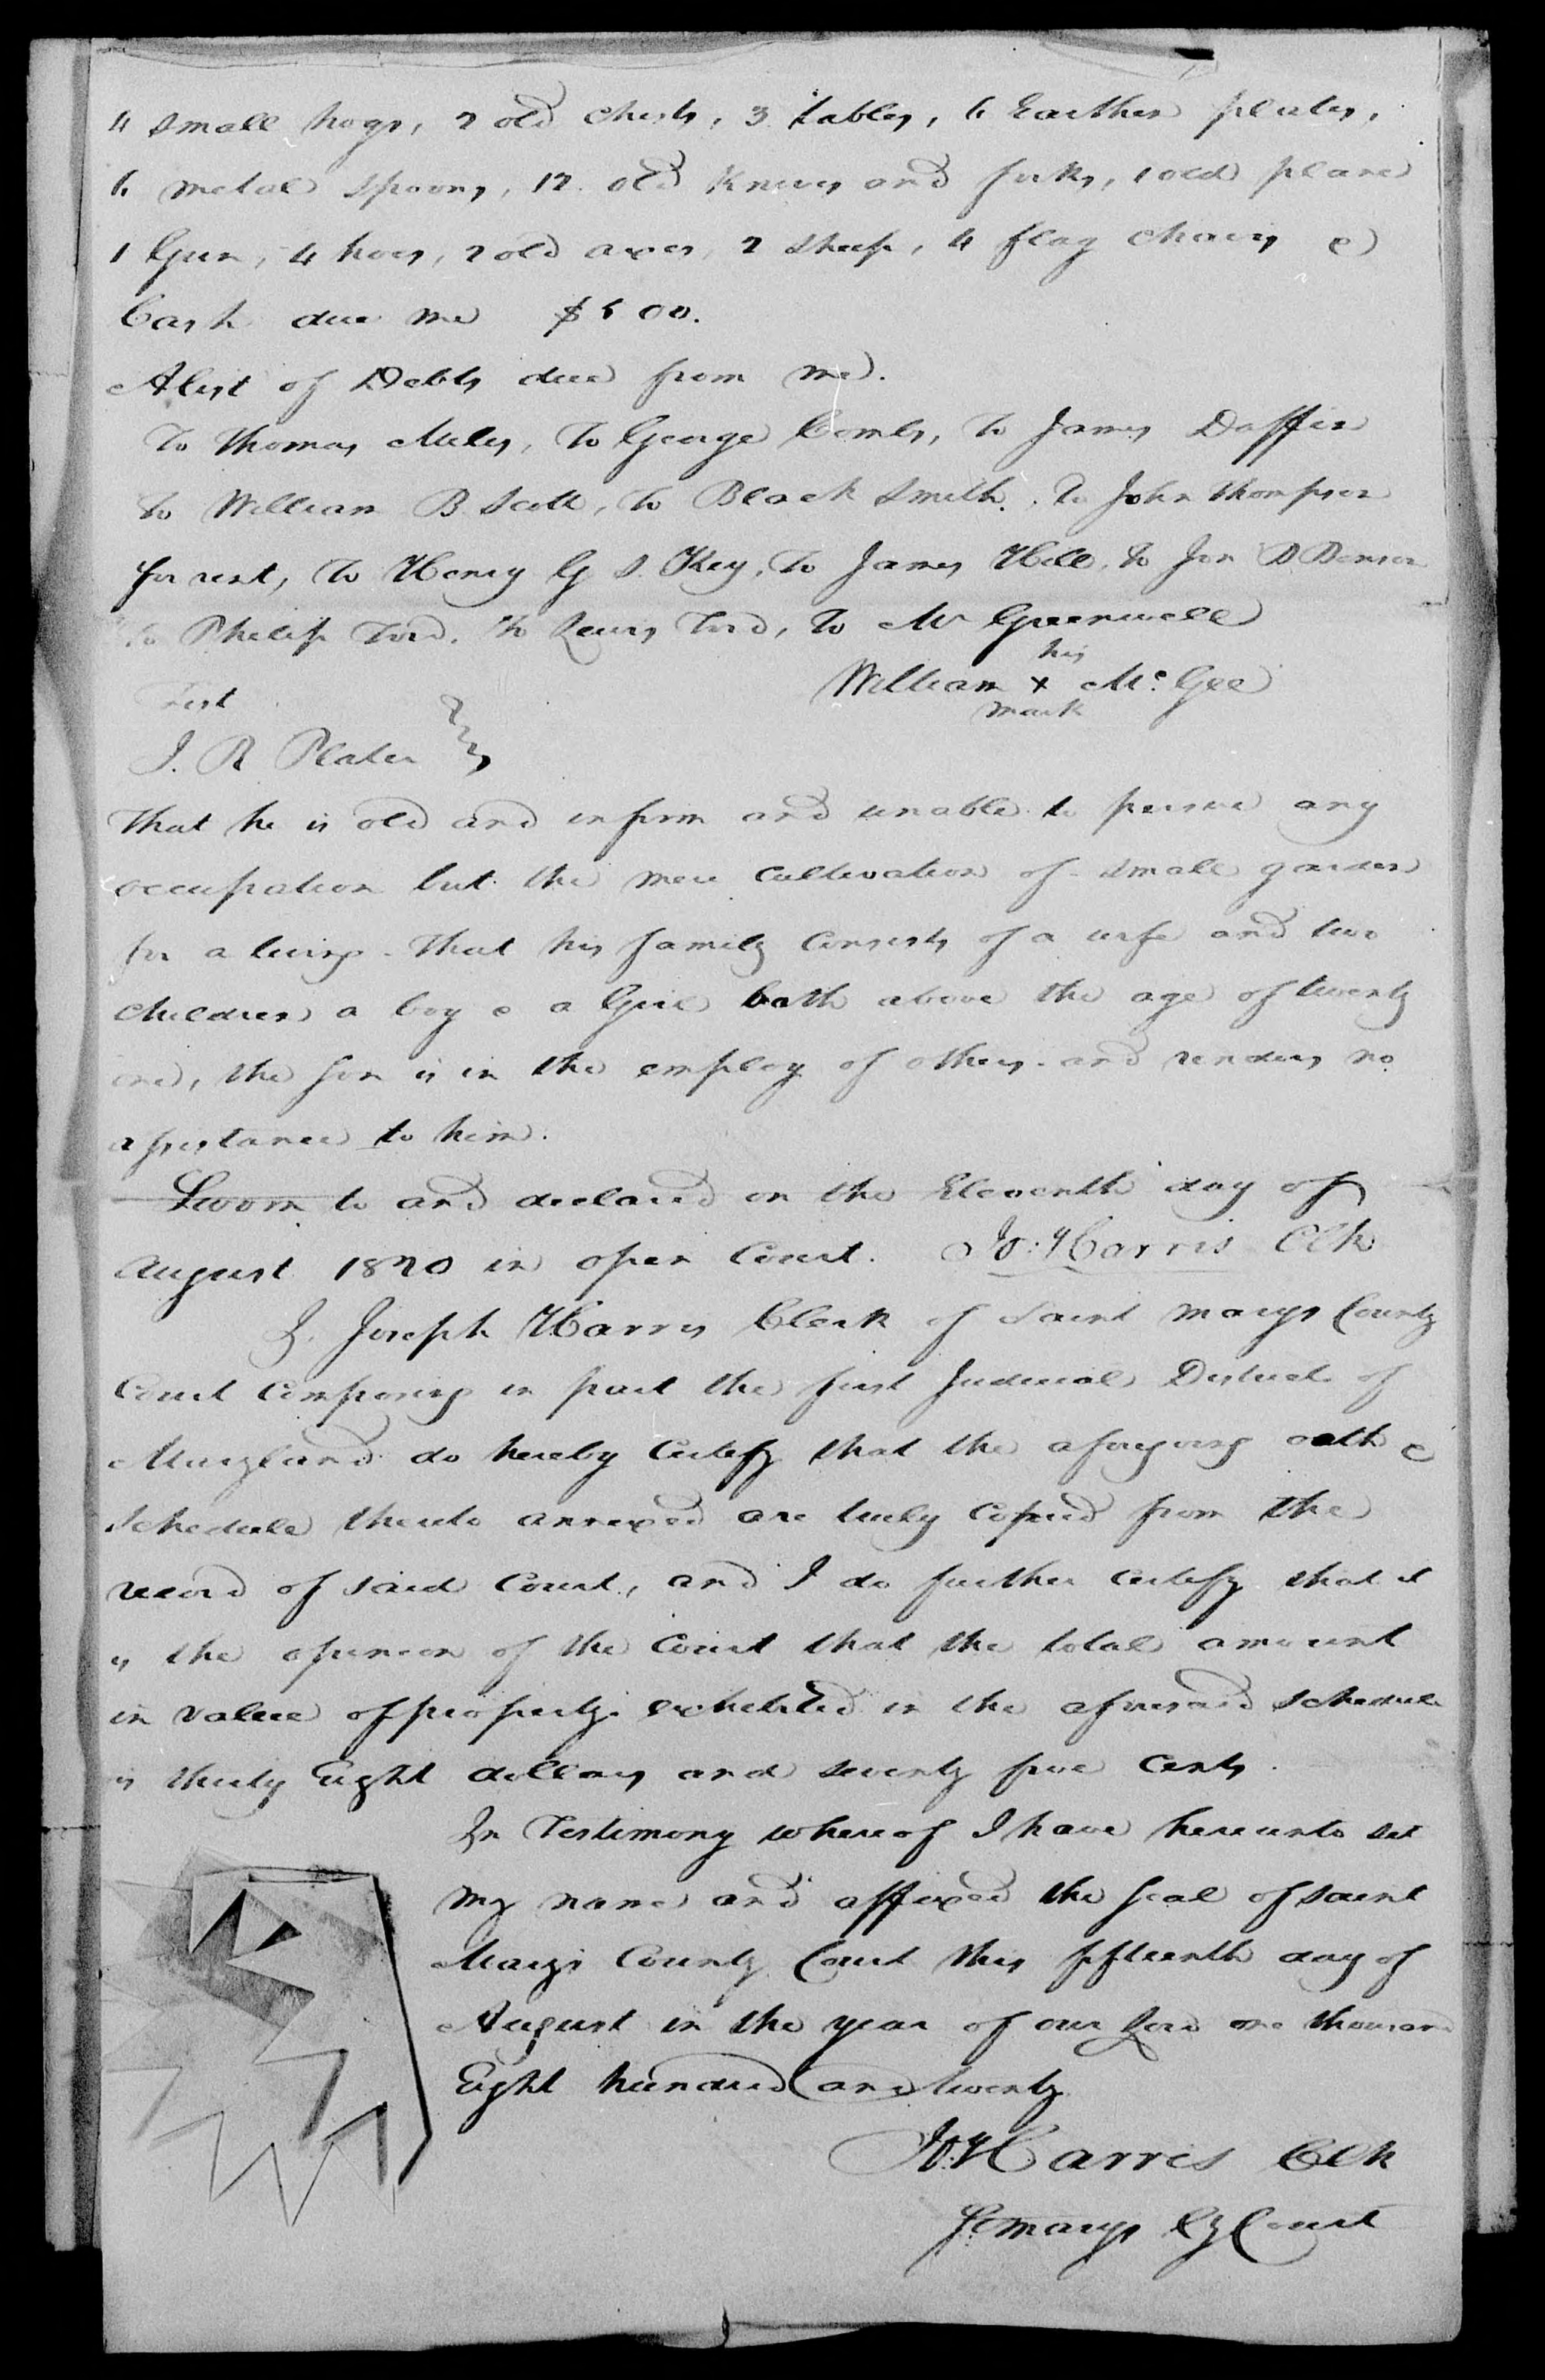4 small hogs, 2 old chests, 3 tables, 6 Earthen plates, 6 metal spoons, 12 old knives and forks, 1 old plane, 1 gun, 4 hoes, 2 old axes, 2 sheep, 4 flag chairs & Cash due me $600. 

A list of Debts due from me. 
To Thomas Miles, to George Combs, to James Duffer, to William B. Scott, to Black Smith, to John Thompson for rent, to Henry G.S. Keys, to James Hill, to John B Benson, to Philip [Tird ?], to Lewis [Tird ?], to Mr. Greenwell. 
William [his X mark] McGee
Test} 
J.R. Plater}

That he is old and infirm and unable to pursue any occupation but the mere cultivation of [a] small garden for a living. That his family consists of a wife and two children, a boy and a girl, both above the age of twenty-one, the son is in the employ of others and renders no assistance to him. 

Sworn to and declared on the Eleventh day of August 1820 in open court.
Jos. Harris, Clk [Clerk] 

I, Joseph Harris, Clerk of Saint Mary's County Court comprising in part the first Judicial District of Maryland do hereby certify that the aforegoing [foregoing] oath & schedule thereto annexed are truly copied from the record of said court, and I do further certify that it is the opinion of the Court that the total amount in value of property exhibited in the aforesaid schedule is thirty eight dollars and seventy five cents. 

In Testimony whereof I have hereunto set my name and affixed the seal of Saint Mary's County Court this fifteenth day of August in the year of one thousand Eight hundred and twenty. 

Jos. Harris Clk [Clerk]
St. Mary's Cy [County] Court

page: 8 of 17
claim: survivor's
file: S. 34980, for William Mc Gee, Maryland